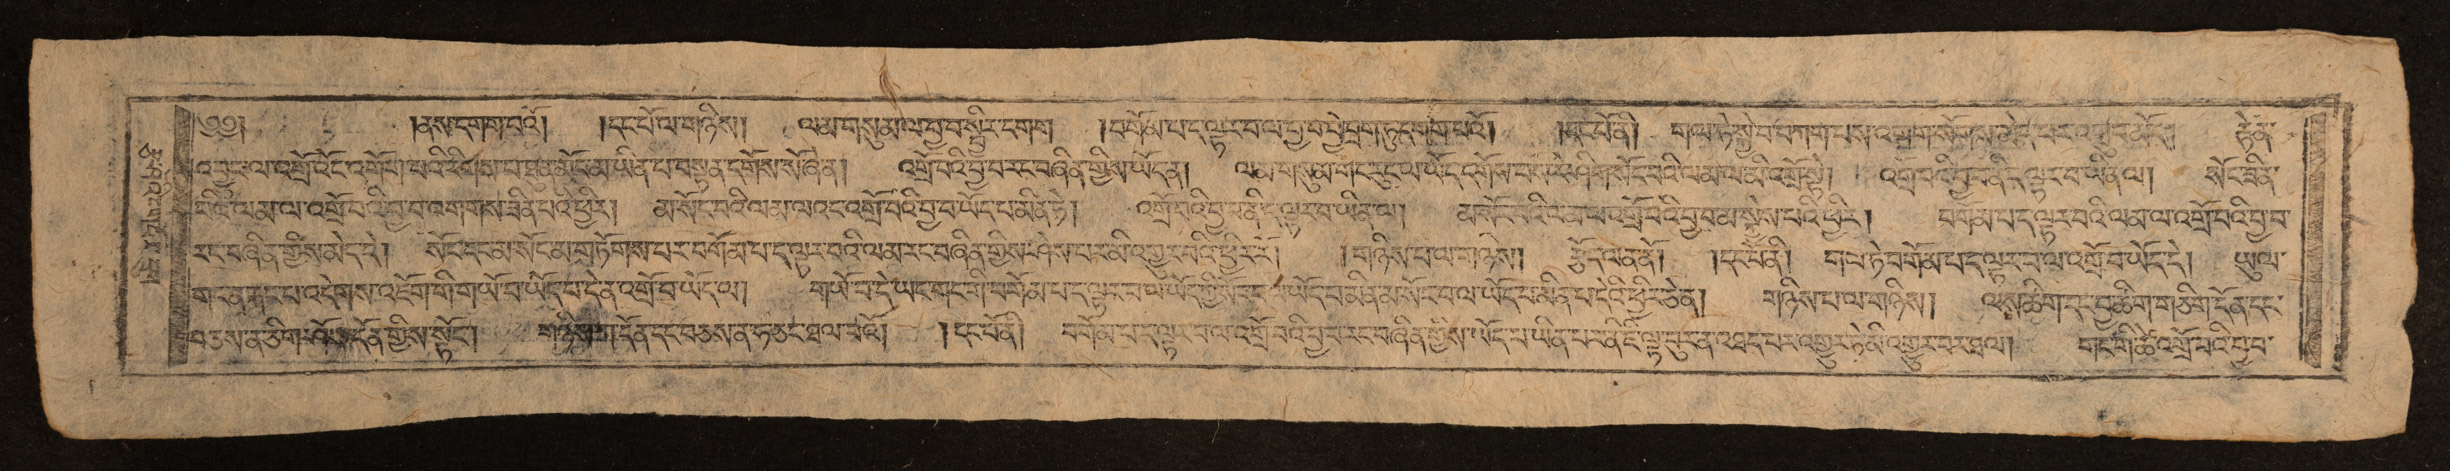༄༅། །ནས་དགག་པའོ། །དང་པོ་ལ་གཉིས། ལམ་གསུམ་ལ་བྱ་བ་སྤྱིར་དགག །བགོམ་པ་ད་ལྟར་བ་ལ་བྱ་བ་བྱེ་བྲག་ཏུ་དགག་པའོ། །དང་པོ་ནི། གལ་ཏེ་སྐྱེ་བ་བཀག་པས་འགག་སོགས་མེད་པར་འགྲུབ་མོད། རྟེན་
འབྱུང་ལ་འགྲོ་འོང་འགོག་པའི་རིགས་པ་ཐུན་མོང་མ་ཡིན་པ་བསྟན་དགོས་སོ་ཞེ་ན། འགྲོ་བའི་བྱ་བ་རང་བཞིན་གྱིས་ཡོད་ན། ལམ་གསུམ་གང་རུང་ལ་ཡོད་དགོས་པས་རེ་ཤིག་སོང་བའི་ལམ་ལ་མི་འགྲོ་སྟེ། འགྲོ་བའི་བྱ་བ་ནི་ད་ལྟར་བ་ཡིན་ལ། སོང་ཟིན་
པའི་ལམ་ལ་འགྲོ་བའི་བྱ་བ་འགགས་ཟིན་པའི་ཕྱིར། མ་སོང་བའི་ལམ་ལའང་འགྲོ་བའི་བྱ་བ་ཡོད་པ་མིན་ཏེ། འགྲོ་བའི་བྱ་བ་ནི་ད་ལྟར་བ་ཡིན་ལ། མ་སོང་བའི་ལམ་ལ་འགྲོ་བའི་བྱ་བ་མ་སྐྱེས་པའི་ཕྱིར། བགོམ་པ་ད་ལྟར་བའི་ལམ་ལ་འགྲོ་བའི་བྱ་བ་
རང་བཞིན་གྱིས་མེད་དེ། སོང་དང་མ་སོང་མ་གཏོགས་པར་བགོམ་པ་ད་ལྟར་བའི་ལམ་རང་བཞིན་གྱིས་ཤེས་པར་མི་འགྱུར་བའི་ཕྱིར་རོ། །གཉིས་པ་ལ་གཉིས། རྩོད་ལན་ནོ། །དང་པོ་ནི། གལ་ཏེ་བགོམ་པ་ད་ལྟར་བ་ལ་འགྲོ་བ་ཡོད་དེ། ཡུལ་
གང་ན་རྐང་པ་འདེགས་འཇོག་གི་གཡོ་བ་ཡོད་པ་དེ་ན་འགྲོ་བ་ཡོད་ལ། གཡོ་བ་དེ་ཡང་གང་གི་བགོམ་པ་ད་ལྟར་བ་ལ་ཡོད་ཀྱི་སོང་བ་ལ་ཡོད་པ་མིན་མ་སོང་བ་ལ་ཡོད་པ་མིན་པ་དེའི་ཕྱིར་ཅེ་ན། གཉིས་པ་ལ་གཉིས། ལས་ཚིག་དང་བྱ་ཚིག་གཅིག་དོན་དང་
བཅས་ན་ཅིག་ཤོས་དོན་གྱིས་སྟོང་། གཉིས་ཀ་དོན་དང་བཅས་ན་ཧ་ཅང་ཐལ་བའོ། །དང་པོ་ནི། བགོམ་པ་ད་ལྟར་བ་ལ་འགྲོ་བའི་བྱ་བ་རང་བཞིན་གྱིས་ཡོད་པ་ཡིན་པར་ནི་ཇི་ལྟ་བུར་ན་འཐད་པར་འགྱུར་ཏེ་མི་འགྱུར་བར་ཐལ། གང་གི་ཚེ་འགྲོ་བའི་བྱ་བ་